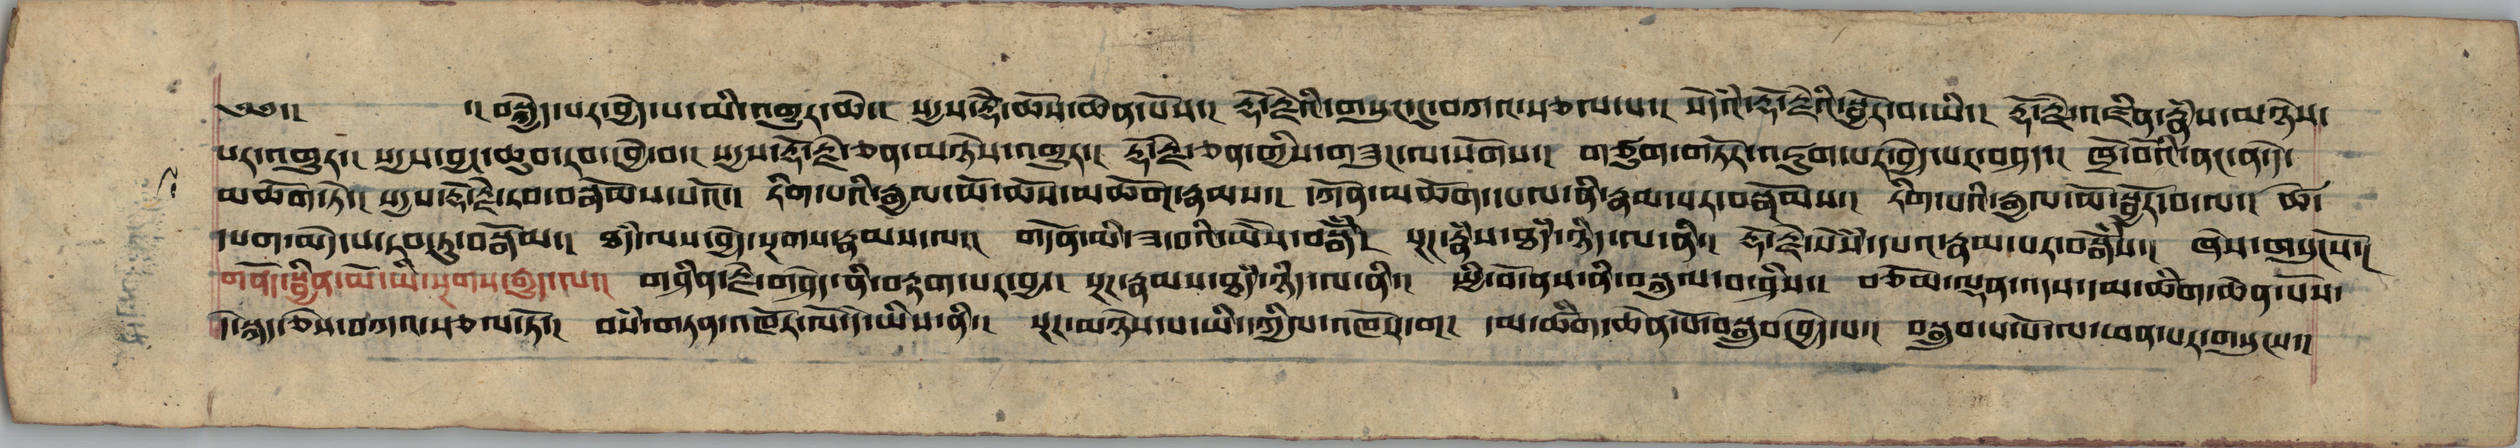༄༅་། ་། བསྐྱེད་པར་བྱེད་པ་མི་འགྱུར་ཆེ་། སདྱས་རྡོེ་ཆོས་ཆེན་པོས་། རྡོ་རྗེའི་གསུང་དུ་བཀའ་སྩལ་པ་། སེཾདའ་རྡོ་རྗེའི་སྦྱོར་བ་ཡི་། རྡོ་རྗེ་འཛིན་རྣཾས་མཉེས་
པར་འགྱུར་། སདྱས་བྱང་ཆུབ་རབ་དབྱེ་བ་། སདྱས་རྡོ་རྗེ་ཅན་མཉེས་འགྱུར་། རྡོ་རྗེ་ཅན་གྱིས་གཟུཌ་ལ་སོགས་། གཙུག་གཏོར་འཇུག་པར་བྱེད་པར་བཤད་། ཁྲོ་བོའི་ནང་ན་དེ་
མཆོག་ཏེ་། སདྱས་རྡོ་རྗེ་རབ་བསྒོམས་པའོ་། རིག་པའི་རྒྱལ་མོ་ཆོས་མཆོག་རྣམས་། དཀོན་མཆོག་དཔལ་ནི་རྣམ་པར་བསྒོམས་། རིག་པའི་རྒྱལ་མོ་སྦྱོར་བ་ལ་། ཚེ་
དཔག་མེད་པ་རབ་ཏུ་བསྒོམ་། ཐཾད་ལས་བྱེད་སྔགས་རྣམས་ལ་། གདོན་མི་ཟ་བའི་ཡཻས་བསྒོཾ། སྔཌ་རྣཾས་ཐཾད་ཉིད་ལ་ནི་། རྡོ་རྗེ་སེཾས་དཔའ་རྣམ་པར་བསྒོཾས་། ཞེས་གསུངསོ་།
གནོད་སྦྱིན་མོ་ཡི་སྔགས་རྒྱུད་ལ་། གཤིན་རྗེ་གཤེད་ནི་བརྟག་པར་བྱ་། སྔཌ་རྣམས་ཐཾད་ཉིད་ལ་ནི་། སྤྱི་བོ་ནས་ནི་བསྐུལ་བ་ཤིས་། བཅོམ་ལྡན་འདས་དམ་ཚིག་ཆེན་པོས་
དེ་སྐད་ཅེས་བཀའ་སྩལ་ཏོ་། བསཾ་གཏན་འཁོར་ལོ་དེ་ཡིས་ནི་། སྔཌ་མཉེས་པ་ཡི་དཀྱིལ་འཁོར་བ།།། དམ་ཚིག་ཆེན་པོ་བསྒྲུབ་བྱེད་པ་། བསྒྲུབ་པ་པོ་ལ་ཕན་པར་གསུངས་།